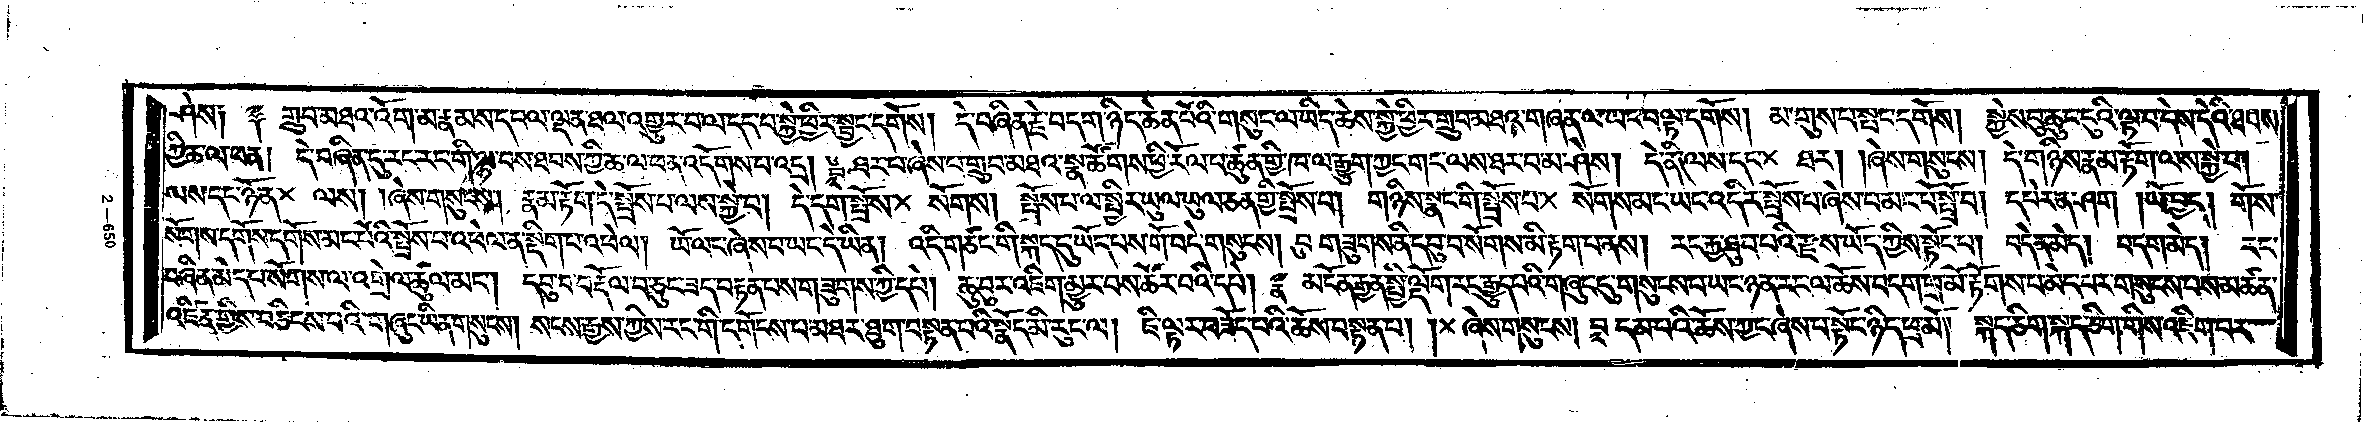ཤེས༑ ༈ གྲུབ་མཐའ་འོག་མ་རྣམས་དཔལ་ལྡན་ཐལ་འགྱུར་བ་ལ་དད་པ་སྐྱེ་ཕྱིར་སྦྱང་དགོས། དེ་བཞིན་རྗེ་བདག་ཉིད་ཆེན་པོའི་གསུང་ལ་ཡིད་ཆེས་སྐྱེ་ཕྱིར་གྲུབ་མཐའ་གཞན་ལ་ཡང་བལྟ་དགོས། མ་གུས་པ་སྤང་དགོས། སྐྱེས་བུ་ཆུང་ངུའི་ལྟ་བ་དེས་དེའི་ཐབས་
ཀྱི་ཆ་ལ་ཕན། དེ་བཞིན་དུ་རང་རང་གི་ལྟ་བས་ཐབས་ཀྱི་ཆ་ལ་ཕན་འདོགས་པ་འདྲ། ༦བ༢་ཐར་པ་ཞེས་པ་གྲུབ་མཐའ་སྣ་ཚོགས་ཕྱི་རོལ་པ་ཚུན་གྱི་ཁ་ལ་རྒྱུག་ཀྱང་གང་ལས་ཐར་པ་མ་ཤེས། དེ་ནི༑ ལས་དང་྾་ཐར། །ཞེས་གསུངས། དེ་གཉིས་རྣམ་རྟོག་ལས་སྐྱེ་བ།
ལས་དང་ཉོན་྾་ལས། །ཞེས་གསུངས། རྣམ་རྟོག་དེ་སྤྲོས་པ་ལས་སྐྱེ་བ། དེ་དག་སྤྲོས་྾་སོགས། སྤྲོས་པ་ལ་སྤྱིར་ཡུལ་ཡུལ་ཅན་གྱི་སྤྲོས་པ། གཉིས་སྣང་གི་སྤྲོས་པ་྾་སོགས་མང་ཡང་འདིར་སྤྲོས་པ་ཞེས་པ་མང་པོ་སྤྲོ་བ། དཔེར་ན་ཤག །ཡོ་བྱད། གོས་
སོགས་དགོས་དགོས་མང་པོའི་སྤྲོས་པ་འཕེལ་ན་སྡིག་པ་འཕེལ། ཡོ་ལང་ཞེས་པ་ཡང་དེ་ཡིན། འདི་གཙང་གི་སྐད་དུ་ཡོད་པས་གོ་བདེ་གསུངས། བ༦་གཟུགས་ནི་དབུ་བ་སོགས་མི་རྟག་པ་ནས། རང་རྐྱ་ཐུབ་པའི་རྫས་ཡོད་ཀྱིས་སྟོང་པ། བདེན་མེད། བདག་མེད། རང་
བཞིན་མེད་པ་སོགས་ལ་འགྲེལ་ཚུལ་མང་། དབུ་བ་བརྡོལ་བ་ཅུང་ཟད་བརྟན་པས་གཟུགས་ཀྱི་དཔེ། ཆུ་བུར་འཇིག་མྱུར་བས་ཚོར་བའི་དཔེ། ༧ན་མངོན་རྒྱན་སྤྱི་ལྡོག་རང་རྒྱུད་པའི་གཞུང་དུ་གསུངས་པ་ཡང་ཉན་རང་ལ་ཆོས་བདག་ཕྲ་མོ་རྟོགས་པ་མེད་པར་གསུངས་པས་མཚན་
འཛིན་གྱིས་བཅིངས་པའི་གཞུང་ཡིན་གསུངས། སངས་རྒྱས་ཀྱིས་རང་གི་དགོངས་པ་མཐར་ཐུག་བསྟན་པའི་སྣོད་མི་རུང་ལ། ཇི་ལྟར་བཟོད་པའི་ཆོས་བསྟན་པ། ། ྾་ཞེས་གསུངས། བ༢་དམ་པའི་ཆོས་ཀྱང་ཞེས་པ་སྟོང་ཉིད་ཕྲ་མོ། སྐད་ཅིག་སྐད་ཅིག་གིས་འཇིག་པར་